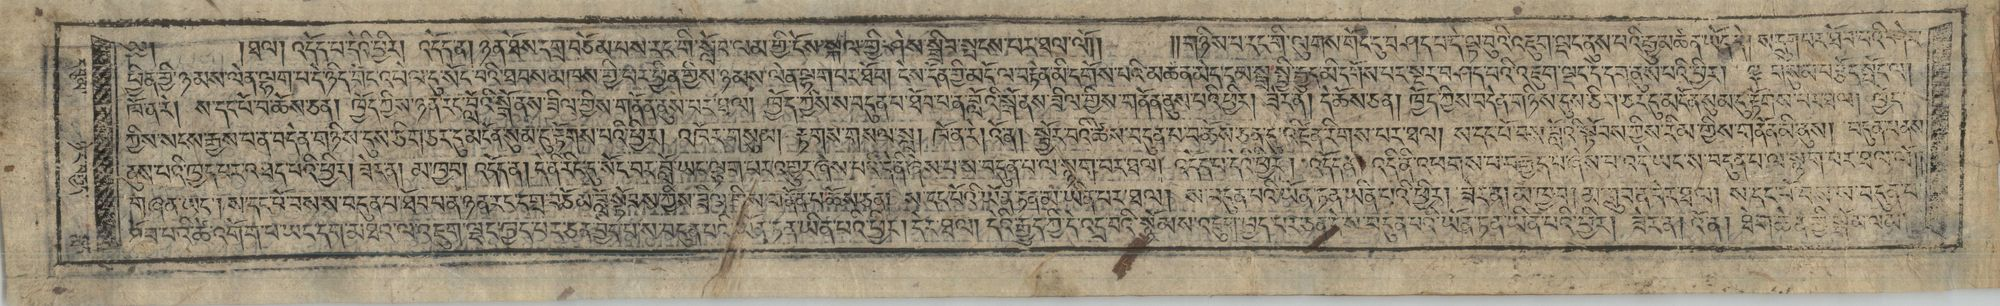༄༅། །ཐལ། འདོད་པ་དེའི་ཕྱིར། འདོད་ན། ཉན་ཐོས་དགྲ་བཅོམ་པས་རང་གི་སློབ་ལམ་གྱི་ངོས་སྐལ་གྱི་ཤེས་སྒྲིབ་སྤངས་པར་ཐལ་ལོ།། །།གཉིས་པ་རང་གི་ལུགས་གོང་དུ་བཤད་པ་དེ་ལྟ་བུའི་འཇུག་ལྡང་ནུས་པའི་རྒྱུ་མཚན་ཡོད་དེ། ས་དྲུག་པར་ཐོབ་པའི་ཤེར་
ཕྱིན་གྱི་ཉམས་ལེན་ལྷག་པ་དེ་ཉིད་བོང་འཕེལ་དུ་སོང་བའི་ཐབས་མཁས་གྱི་པར་ཕྱིན་གྱིས་ཉམས་ལེན་ལྷག་པར་ཐོབ། ངེས་དོན་གྱི་མདོ་ལ་བརྟེན་མི་དགོས་པའི་མཚན་མེད་དམ་སྒྲ་སྤྱི་རྒྱུད་མི་དགོས་པར་སྔར་བཤད་པའི་འཇུག་ལྡང་དེ་དག་ནུས་པའི་ཕྱིར། ༈ གསུམ་པ་རྩོད་སྤོང་ལ།
ཁོ་ན་རེ། ས་དང་པོ་བ་ཆོས་ཅན། ཁྱོད་ཀྱིས་ཉན་རང་བློའི་སྒོ་ནས་ཟིལ་གྱིས་གནོན་ནུས་པར་ཐལ། ཁྱོད་ཀྱིས་ས་བདུན་པ་ཐོབ་པ་ན་བློའི་སྒོ་ནས་ཟིལ་གྱིས་གནོན་ནུས་པའི་ཕྱིར། ཟེར་ན། དེ་ཆོས་ཅན། ཁྱོད་ཀྱིས་བདེན་གཉིས་དུས་ཅིག་ཅར་དུ་མངོན་སུམ་དུ་རྟོགས་པར་ཐལ། ཁྱོད་
ཀྱིས་སངས་རྒྱས་པ་ན་བདེན་གཉིས་དུས་ཅིག་ཅར་དུ་མངོན་སུམ་དུ་རྟོགས་པའི་ཕྱིར། འཁོར་གསུམ། རྟགས་གསལ་སླ། ཁོ་ན་རེ། འོ་ན། སྦྱོར་བའི་ཚེ་ས་བདུན་པ་བ་ཆོས་ཅན་དུ་འཛིན་རིགས་པར་ཐལ། ས་དང་པོ་བས་བློའི་སྟོབས་ཀྱིས་ཟིལ་གྱིས་གནོན་མི་ནུས། བདུན་པ་ནས་
ནུས་པའི་ཁྱད་པར་འཐད་པའི་ཕྱིར། ཟེར་ན། མ་ཁྱབ། འདོད་ན། དེ་ནི་རིང་དུ་སོང་བར་བློ་ཡང་ལྷག་པར་འགྱུར་ཞེས་པའི་དེ་ནི་ཞེས་པ་ས་བདུན་པ་ལ་སྙགྤར་ཐལ། འདོད་པ་དེའི་ཕྱིར། འདོད་ན། འདི་ནི་འཕགས་པ་བརྒྱད་པ་ཞེས་པ་འདི་ཡང་ས་བདུན་པ་ལ་སྙགྤར་ཐལ་ལོ།།
གཞན་ཡང་། ས་དང་པོ་བས་ས་བདུན་པ་ཐོབ་པ་ན་ཉན་རང་དགྲ་བཅོམ་བློ་སྟོབས་ཀྱིས་ཟིལ་གྱིས་གནོན་པ་ཆོས་ཅན། ས་དང་པོའི་ཡོན་ཏན་མ་ཡིན་པར་ཐལ། ས་བདུན་པའི་ཡོན་ཏན་ཡིན་པའི་ཕྱིར། ཟེར་ན། མ་ཁྱབ། མ་གྲུབ་ན་དེར་ཐལ། ས་དང་པོ་བས་ས་བདུན་པ་
ཐོབ་པའི་ཚེ་འགོག་པ་ཡང་དག་མཐའ་ལ་འཇུག་ལྡང་ཁྱད་པར་ཅན་བྱེད་པ་ས་བདུན་པའི་ཡོན་ཏན་ཡིན་པའི་ཕྱིར། དེར་ཐལ། དེའི་རྒྱུད་ཀྱི་དེ་འདྲ་བའི་སྙོམས་འཇུག་ཁྱད་པར་ཅན་དེ་ས་བདུན་པའི་ཡོན་ཏན་ཡིན་པའི་ཕྱིར། ཟེར་ན། འོ་ན། ཐེག་ཆེན་གྱི་སྒོམ་ལམ་